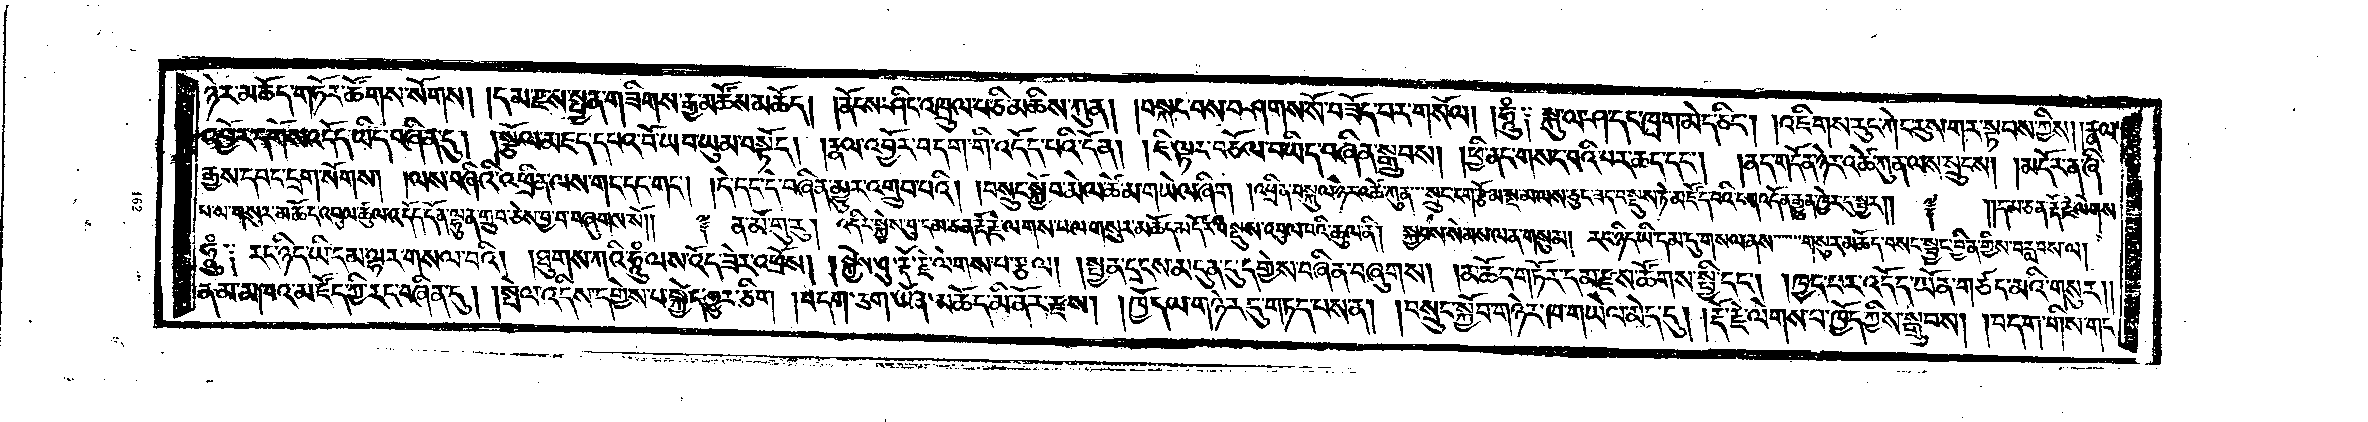ཉེར་མཆོད་གཏོར་ཚོགས་སོགས། །དམ་རྫས་སྤྱན་གཟིགས་རྒྱ་མཚོས་མཆོད། །ནོངས་ཤིད་འཁྲུལ་པ་ཅི་མཆིས་ཀུན། །བསྐང་བས་བཤགས་སོ་བཟོད་པར་གསོལ། །ཧཱུཾ༑ སྐུ་ལ་ཤ་དང་ཁྲག་མེད་ཅིང་། །འཇིགས་རུང་ཀེང་རུས་གར་སྟབས་ཀྱིས། །རྣལ་
འབྱོར་དགོས་འདོད་ཡིད་བཞིན་དུ། །སྩོལ་མཛད་དཔའ་བོ་ཡབ་ཡུམ་བསྟོད། །རྣལ་འབྱོར་བདག་གི་འདོད་པའི་དོན། །ཇི་ལྟར་བཅོལ་པ་ཡིད་བཞིན་སྒྲུབས། །ཕྱི་ནང་གསང་པའི་བར་ཆད་དང་། །ནད་གདོན་ཉེར་འཚེ་ཀུན་ལས་སྲུངས། །མདོར་ན་ཞི་
རྒྱས་དབང་དྲག་སོགས། །ལས་བཞིའི་འཕྲིན་ལས་གང་དང་གང་། །དེ་དང་དེ་བཞིན་མྱུར་འགྲུབ་པའི། །བསྲུང་སྐྱོབ་མེལ་ཚེ་མ་གཡེལ་ཞིག །འཕྲིན་བསྐུལ་ཉེར་འཚེ་ཀུན་སྲུང་ངག་རྩོམ་སྔ་མ་ལས་ཅུང་ཟད་བསྡུས་ཏེ་མཛོད་བའི་དག་འདོན་རྒྱུན་ཁྱེར་དུ་སྦྱར།། ༈ །།དམ་ཅན་རྡོ་རྗེ་ལེགས་
པ་ལ་གསུར་མཆོད་འབུལ་ཚུལ་འདོད་དོན་ལྷུན་གྲུབ་ཅེས་བྱ་བ་བཞུགས་སོ།། ༈ ན་མོ་གུ་རུ། འདིར་སྐྱེས་བུ་དམ་ཅན་རྡོ་རྗེ་ལགས་པ་ལ་གསུར་མཆོད་མདོར་བསྡུས་འབུལ་བའི་ཚུལ་ནི། སྐྱབས་སེམས་ལན་གསུམ། རང་ཉིད་ཡི་དམ་དུ་གསལ་ནས་གསུར་མཆོད་བསང་སྦྱང་བྱིན་གྱིས་བརླབས་ལ།
ཧཱུཾ༑ རང་ཉིད་ཡི་དམ་ལྷར་གསལ་བའི། །ཐུགས་ཀའི་ཧཱུཾ་ལས་འོད་ཟེར་འཕྲོས། །སྐྱེས་བུ་རྡོ་རྗེ་ལེགས་པ་རྩལ། །སྤྱན་དྲངས་མདུན་དུ་དགྱེས་བཞིན་བཞུགས། །མཆོད་གཏོར་དམ་རྫས་ཚོགས་སྤྱི་དང་། །ཁྱད་པར་འདོད་ཡོན་གཙང་མའི་གསུར།།
ནམ་མཁའ་མཛོད་ཀྱི་རང་བཞིན་དུ། །སྤེལ་འདིས་དགྱེས་པ་སྐྱེད་གྱུར་ཅིག །བདག་ཅག་ཡོན་མཆོད་མི་ནོར་རྫས། །ཁྱོད་ལ་གཉེར་དུ་གཏད་པས་ན། །བསྲུང་སྐྱོབ་གཉེར་ཁ་གཡེལ་མེད་དུ། །རྡོ་རྗེ་ལེགས་པ་ཁྱོད་ཀྱིས་སྒྲུབས། །བདག་གིས་གང་